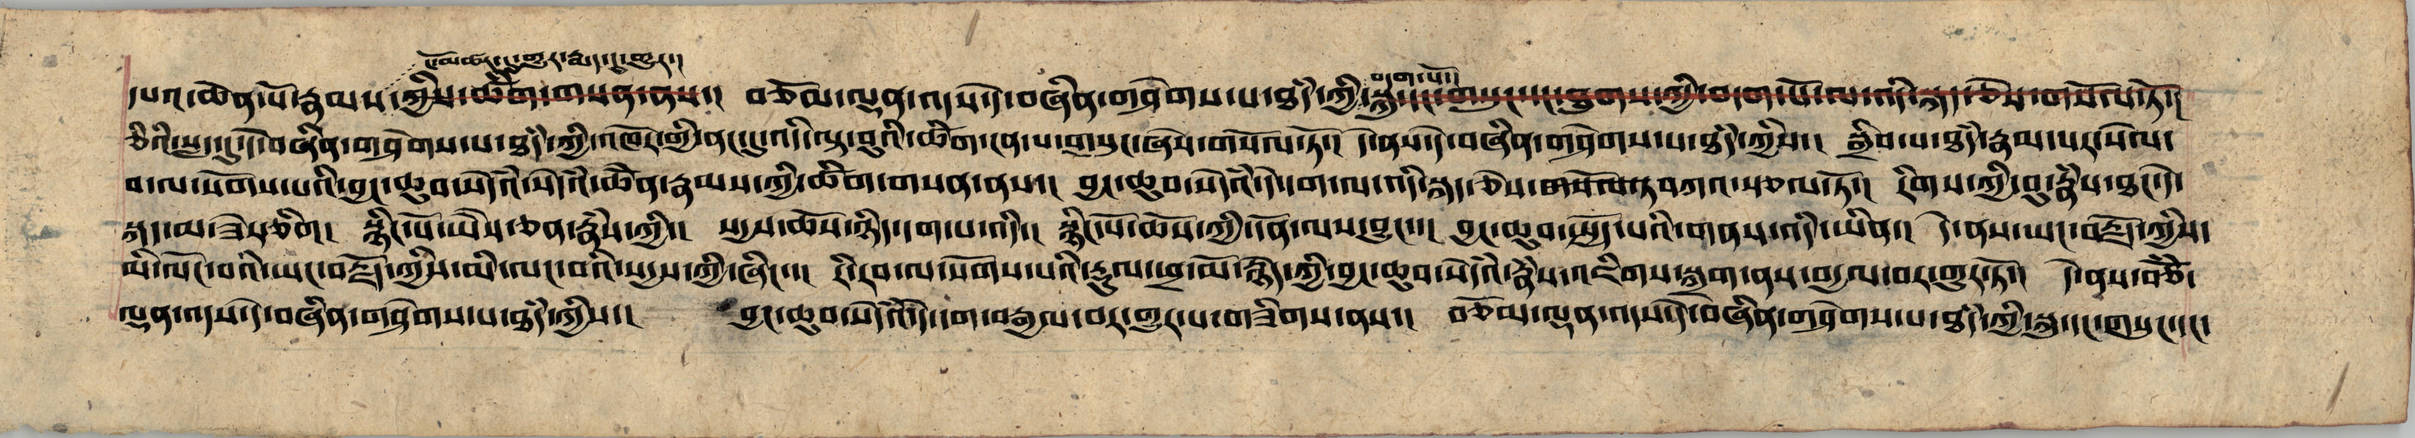ངོ་མཚར་དུ་གྱུར་རྨད་དུ་གྱུར་།
དཔའ་ཆེན་པོ་རྣམས་ཀྱིས་ཚིག་གསན་ནས་། བཅོམ་ལྡན་འདས་དེ་བཞིན་གཤེགས་པ་ཐཾད་ཀྱི་སྐུ་དང་གསུང་དང་ཐུགས་ཀྱི་བདག་པོ་ལ་འདི་སྐད་ཅེས་གསོལ་ཏོ་།
ཅིའི་སླད་དུ་དེ་བཞིན་གཤེགས་པ་ཐཾད་ཀྱི་འཁོར་གྱི་ནང་དུ་འདི་ལྟ་བུའི་ཚིག་ངན་པ་གསུང་ཞེས་གསོལ་ཏོ་། དེ་ནས་དེ་བཞིན་གཤེགས་པ་ཐཾད་ཀྱིས་། སྒྲིབ་པ་ཐཾད་རྣམ་པར་སེལ་
བ་ལ་སོགས་པའི་བྱང་ཆུབ་སེཾདའ་སེཾདའ་ཆེནོ་རྣམས་ཀྱི་ཚིག་གསན་ནས་། བྱང་ཆུབ་སེདཾའ་དེ་དག་ལ་འདི་སྐད་ཅེས་གསོལ་ཏབཀའ་སྩལ་ཏོ་། རིགས་ཀྱི་བུ་རྣཾས་ཐང་དེ་
སྐད་མ་ཟེར་ཅིག། སྙིང་པོ་ཡཻས་ཅན་རྣཾས་ཀྱི་། སདྱས་ཆོས་ཉིད་དག་པ་འདི་། སྙིང་པོ་ཆོས་ཀྱི་དོན་ལས་བྱུང་་། བྱང་ཆུབ་སྤྱོད་པའི་གནས་འདི་ཡིན་། དེ་ནས་ཡང་བརྗོད་ཀྱིས་
མི་ལོང་བའི་ཡང་བརྗོད་ཀྱིས་མི་ལང་བའི་སདྱས་ཀྱི་ཞིང་་། རི་རབ་ལ་སོགས་པའི་རྡུལ་ཕྲ་མོ་སྙེད་ཀྱི་བྱང་ཆུབ་སེདཾའ་རྣཾས་འཇིགས་སྐྲག་ནས་བདྱལ་བར་གྱུར་ཏོ་། དེ་ནས་བཅོཾ་
ལྡན་འདས་དེ་བཞིན་གཤེགས་པ་ཐཾད་ཀྱིས་། བྱང་ཆུབ་སེདཾའ་དེ་དག་བརྒྱལ་བར་གྱུར་པ་གཟིགས་ནས་། བཅོམ་ལྡན་འདས་དེ་བཞིན་གཤེགས་པ་ཐཾད་ཀྱི་སྐུ་དང་གསུང་དང་